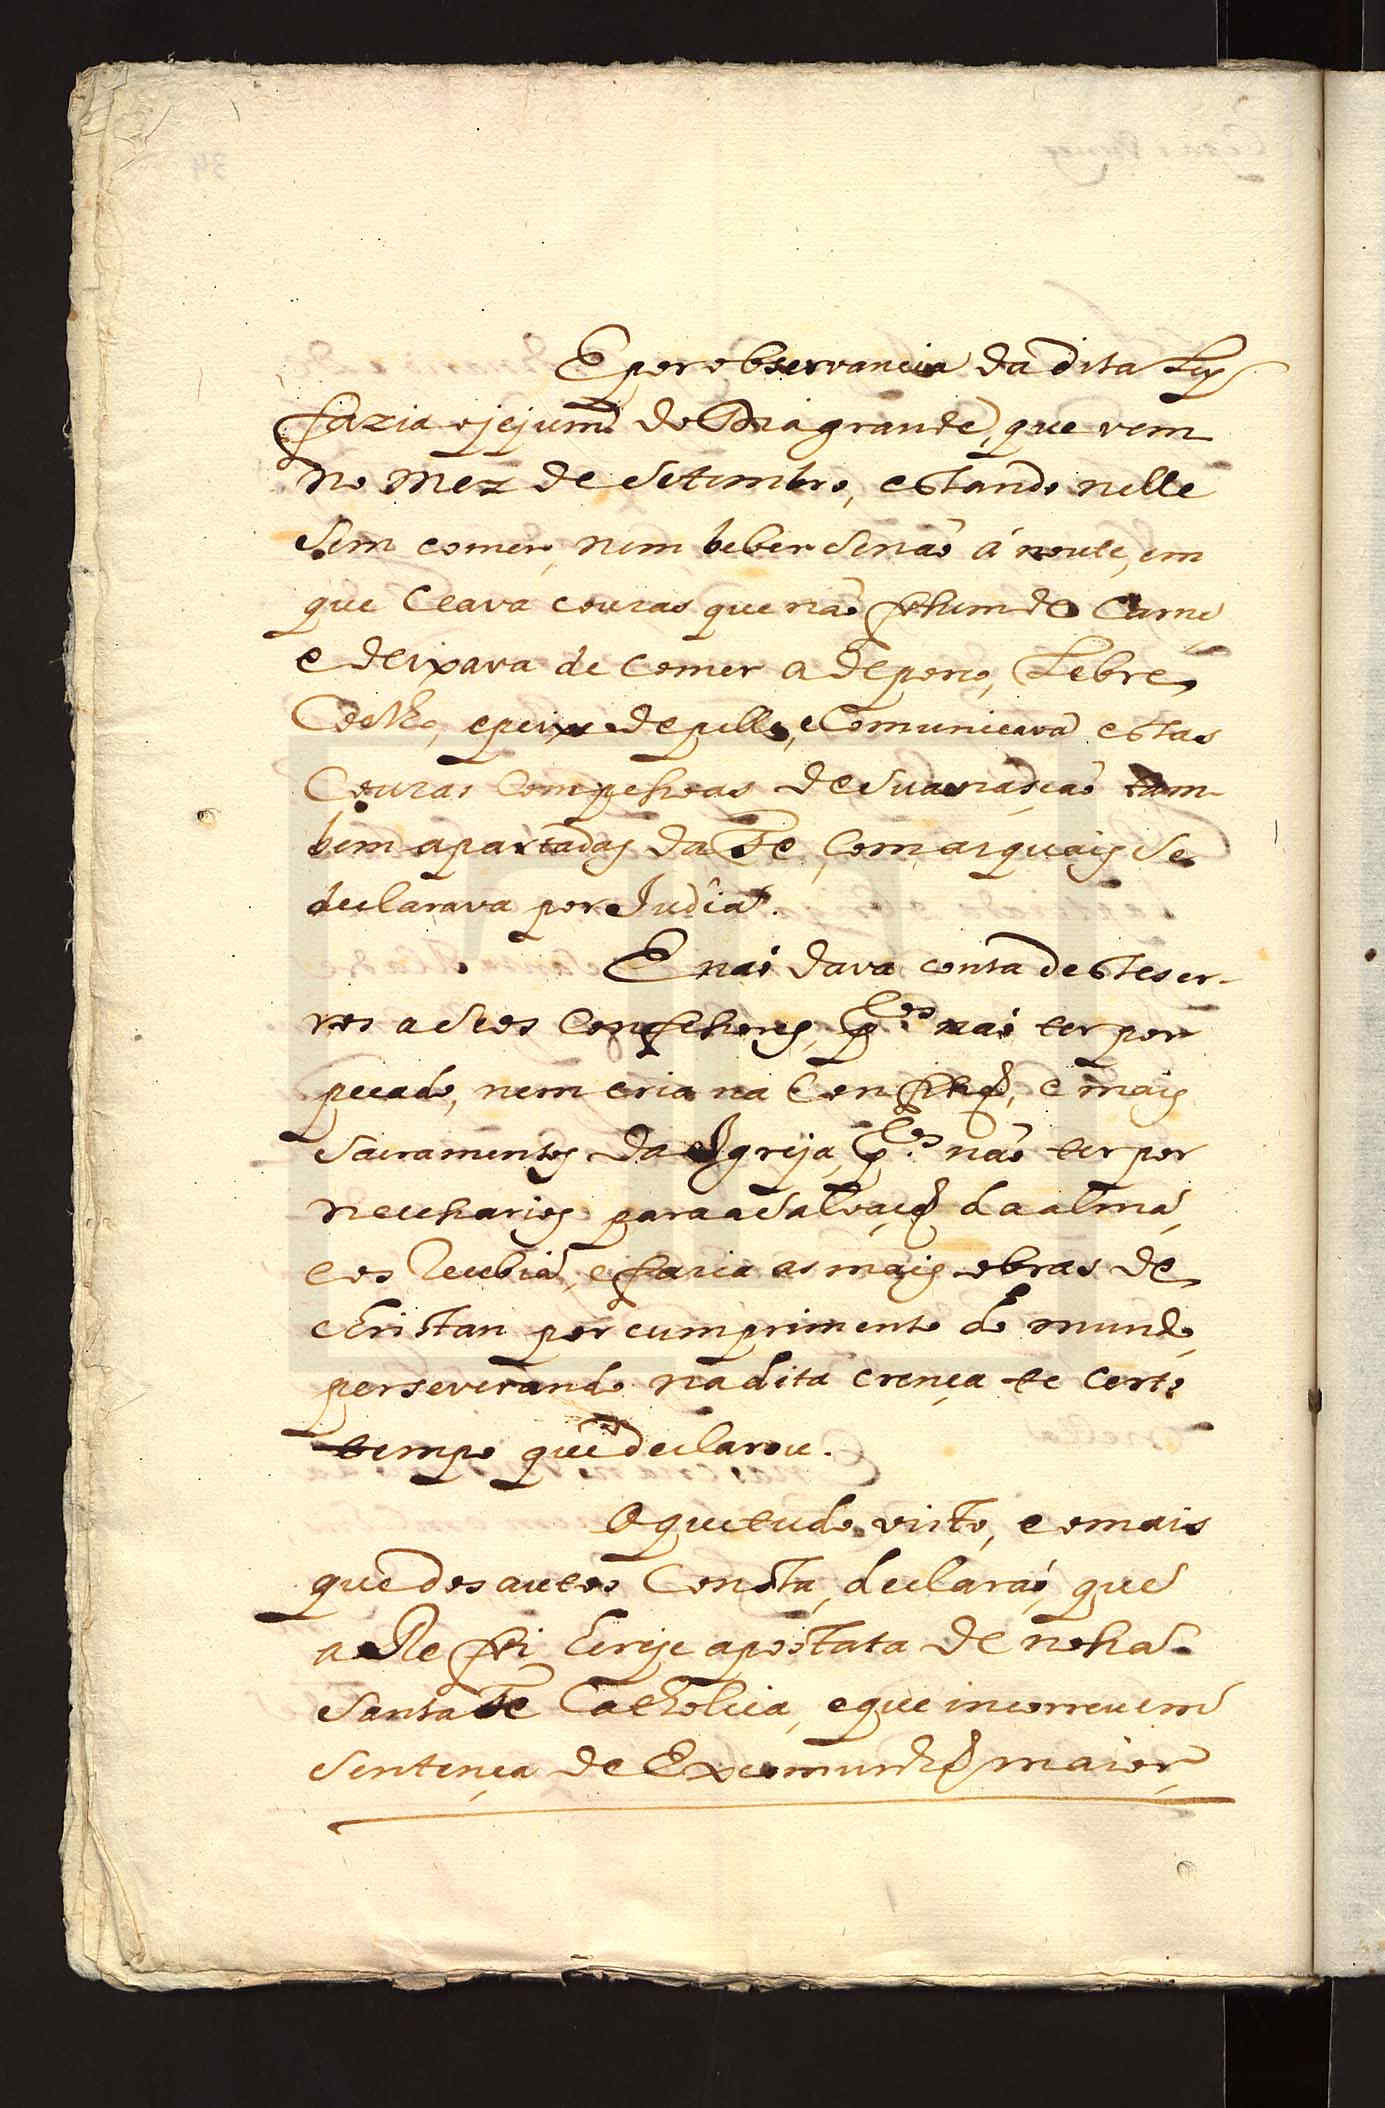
E por observancia da dita Ley
fazia o jejum do Dia grande, que vem
no mez de setembro, estando nelle
sem comer, nem beber senaõ á noute, em
que Ceava couzas que naõ fossem de Carne
e deixava de comer a de porco, Lebre,
Coelho, e peixe de pelle, e Comunicava estas
Couzas Com pessoas de sua nasçaõ tam
bem apartadas da Fe, com as quais se
declarava por Iudia.
E naõ dava conta destes er
ros a seos confessores, plos naõ ter por
pecado, nem cria na Confissaõ, e mais
sacramentos da Igreja, p.los naõ ter por
necessarios para a salvaçaõ da alma,
e os Recebia, e fazia as mais obras de
christan por cumprimento do mundo,
perseverando na dita crença te certo
tempo que declarou.
O que tudo visto, e o mais
que dos autos Consta, declaraõ, que
a Re foi hereje apostata de nossa
santa Fe Catholica, e que incorreu em
sentença de Excomunhaõ maior,
